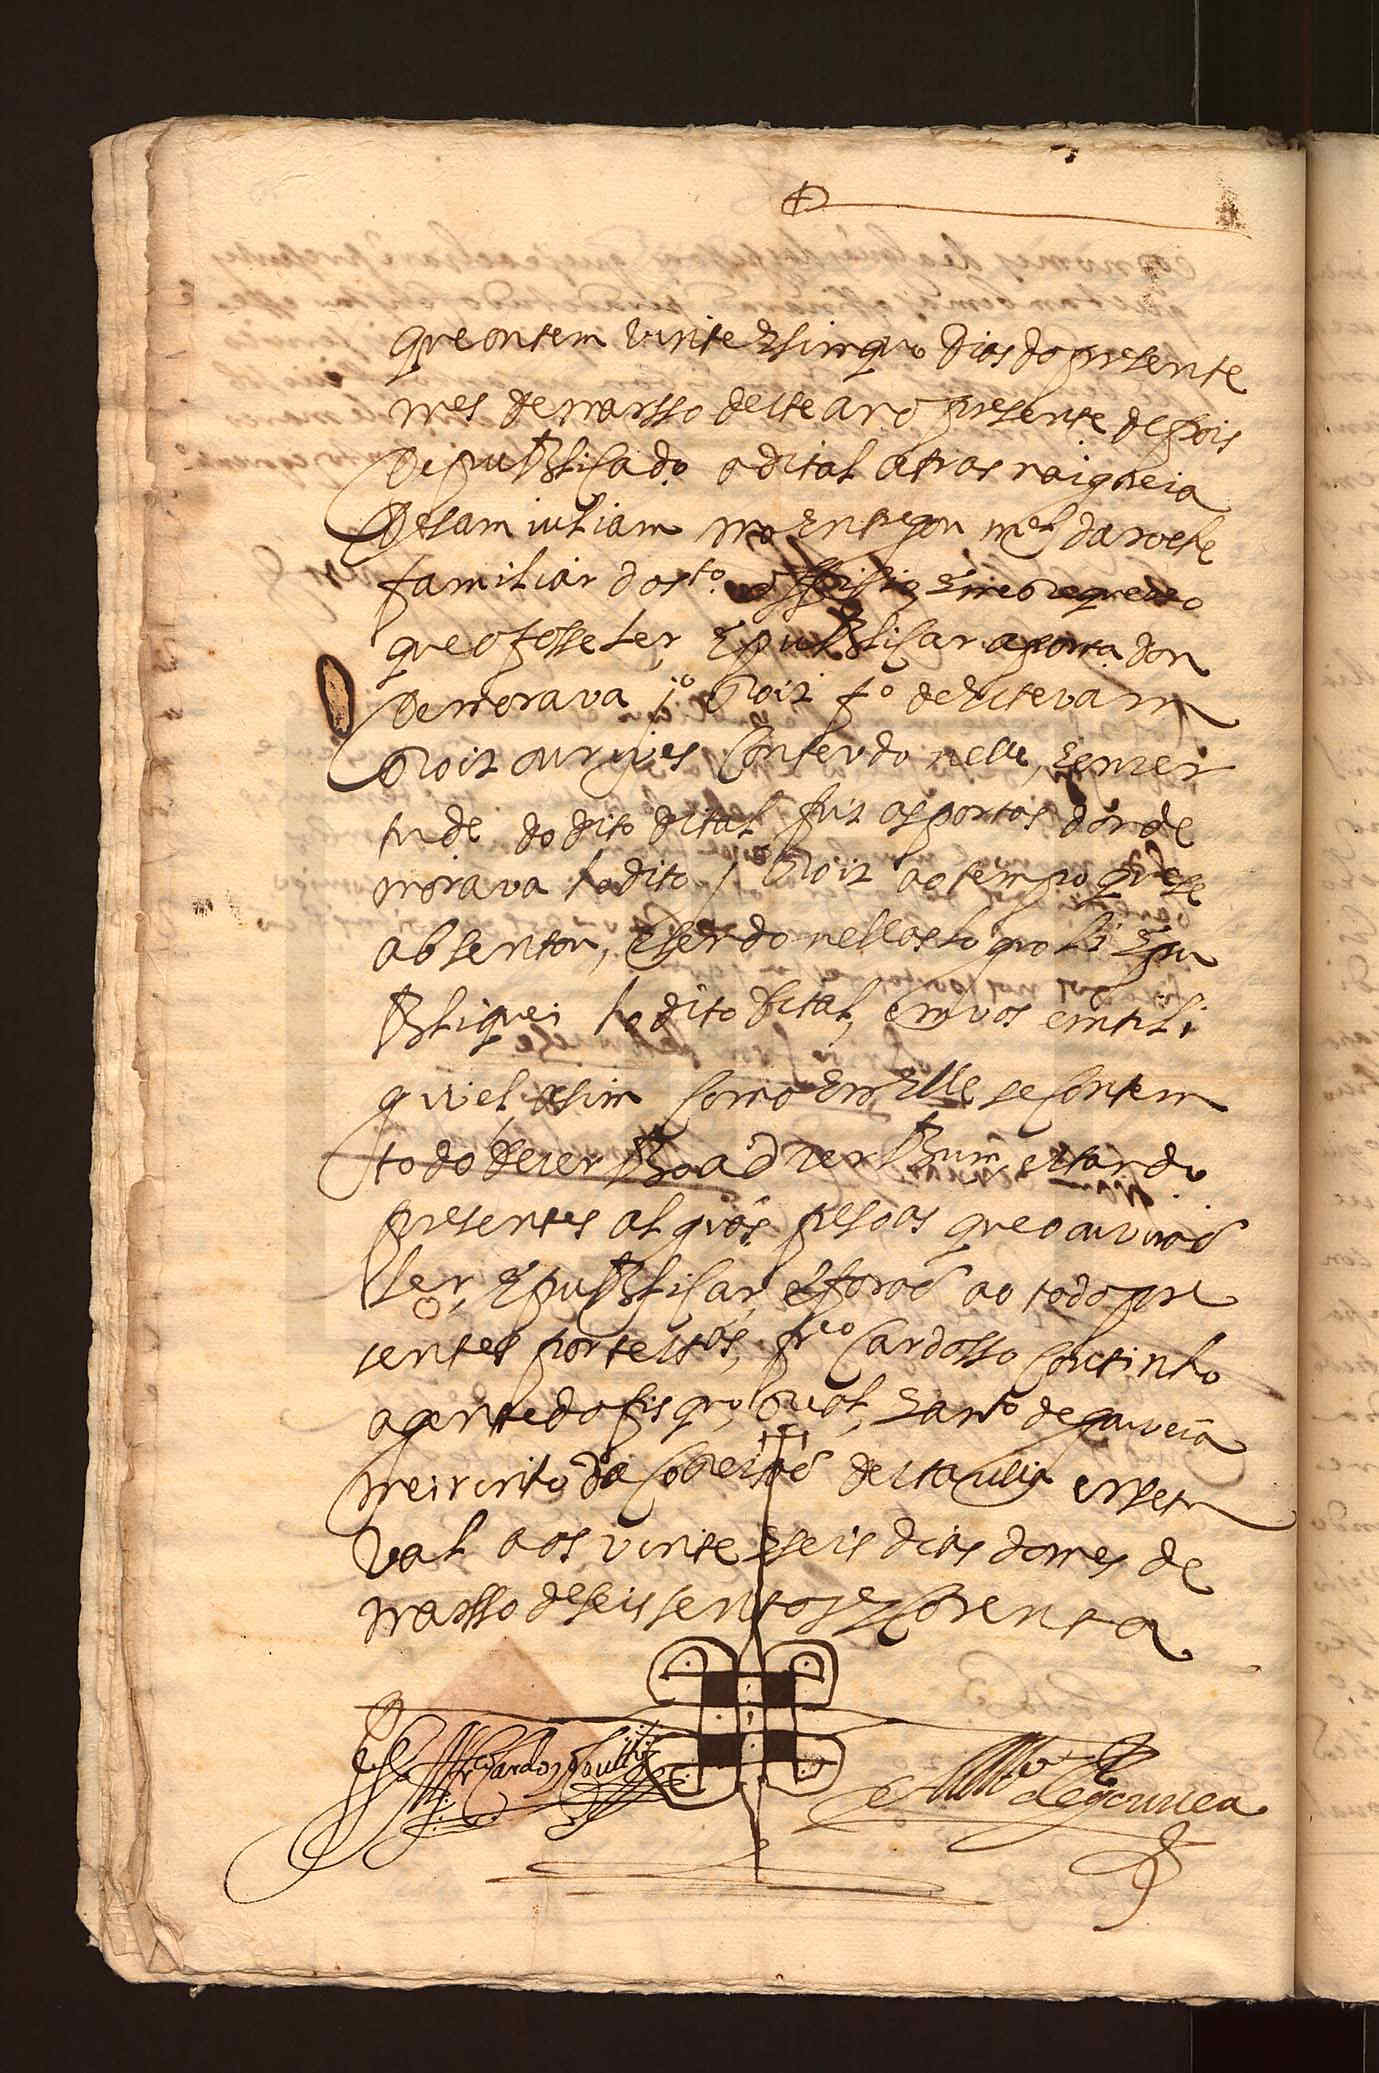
42
que ontem vinte E simquo dias do presente
mes de marsso deste ano presente depois
De publiCado o dital atras na igreia
De sam iuliam mo Entregou m.el da rocha
familiar do sto. offiCio E me requereo
que o fosse ler E publiCar a porta don
De morava i.o Roiz f.o de Estevam
Roiz ourives Conteudo nelle, E en uer
tude do dito dital pus as portas donde
morava ho dito j.o Roiz ao tempo que se
absentou, e sendo nellas logro li E pu
bliquei ho dito dital, em vos emtili
giuel asim Como Em Elle se Contem
todo dezer bē ad verbum estando
presentes alguās pesoas que o ouviraõ
ler, E publiCar, e foraõ ao todo pre
sentes por test.as, fr.co Cardosso Coutinho
agente do fisquo Real, E anto de Gouveia
meirinho da Coreisoẽ desta uilla en setu
val aos vinte e seis dias do mes de
marsso de seissentos E Corenta
Pe f.co Cardoso Couto
Anto de gouvea
